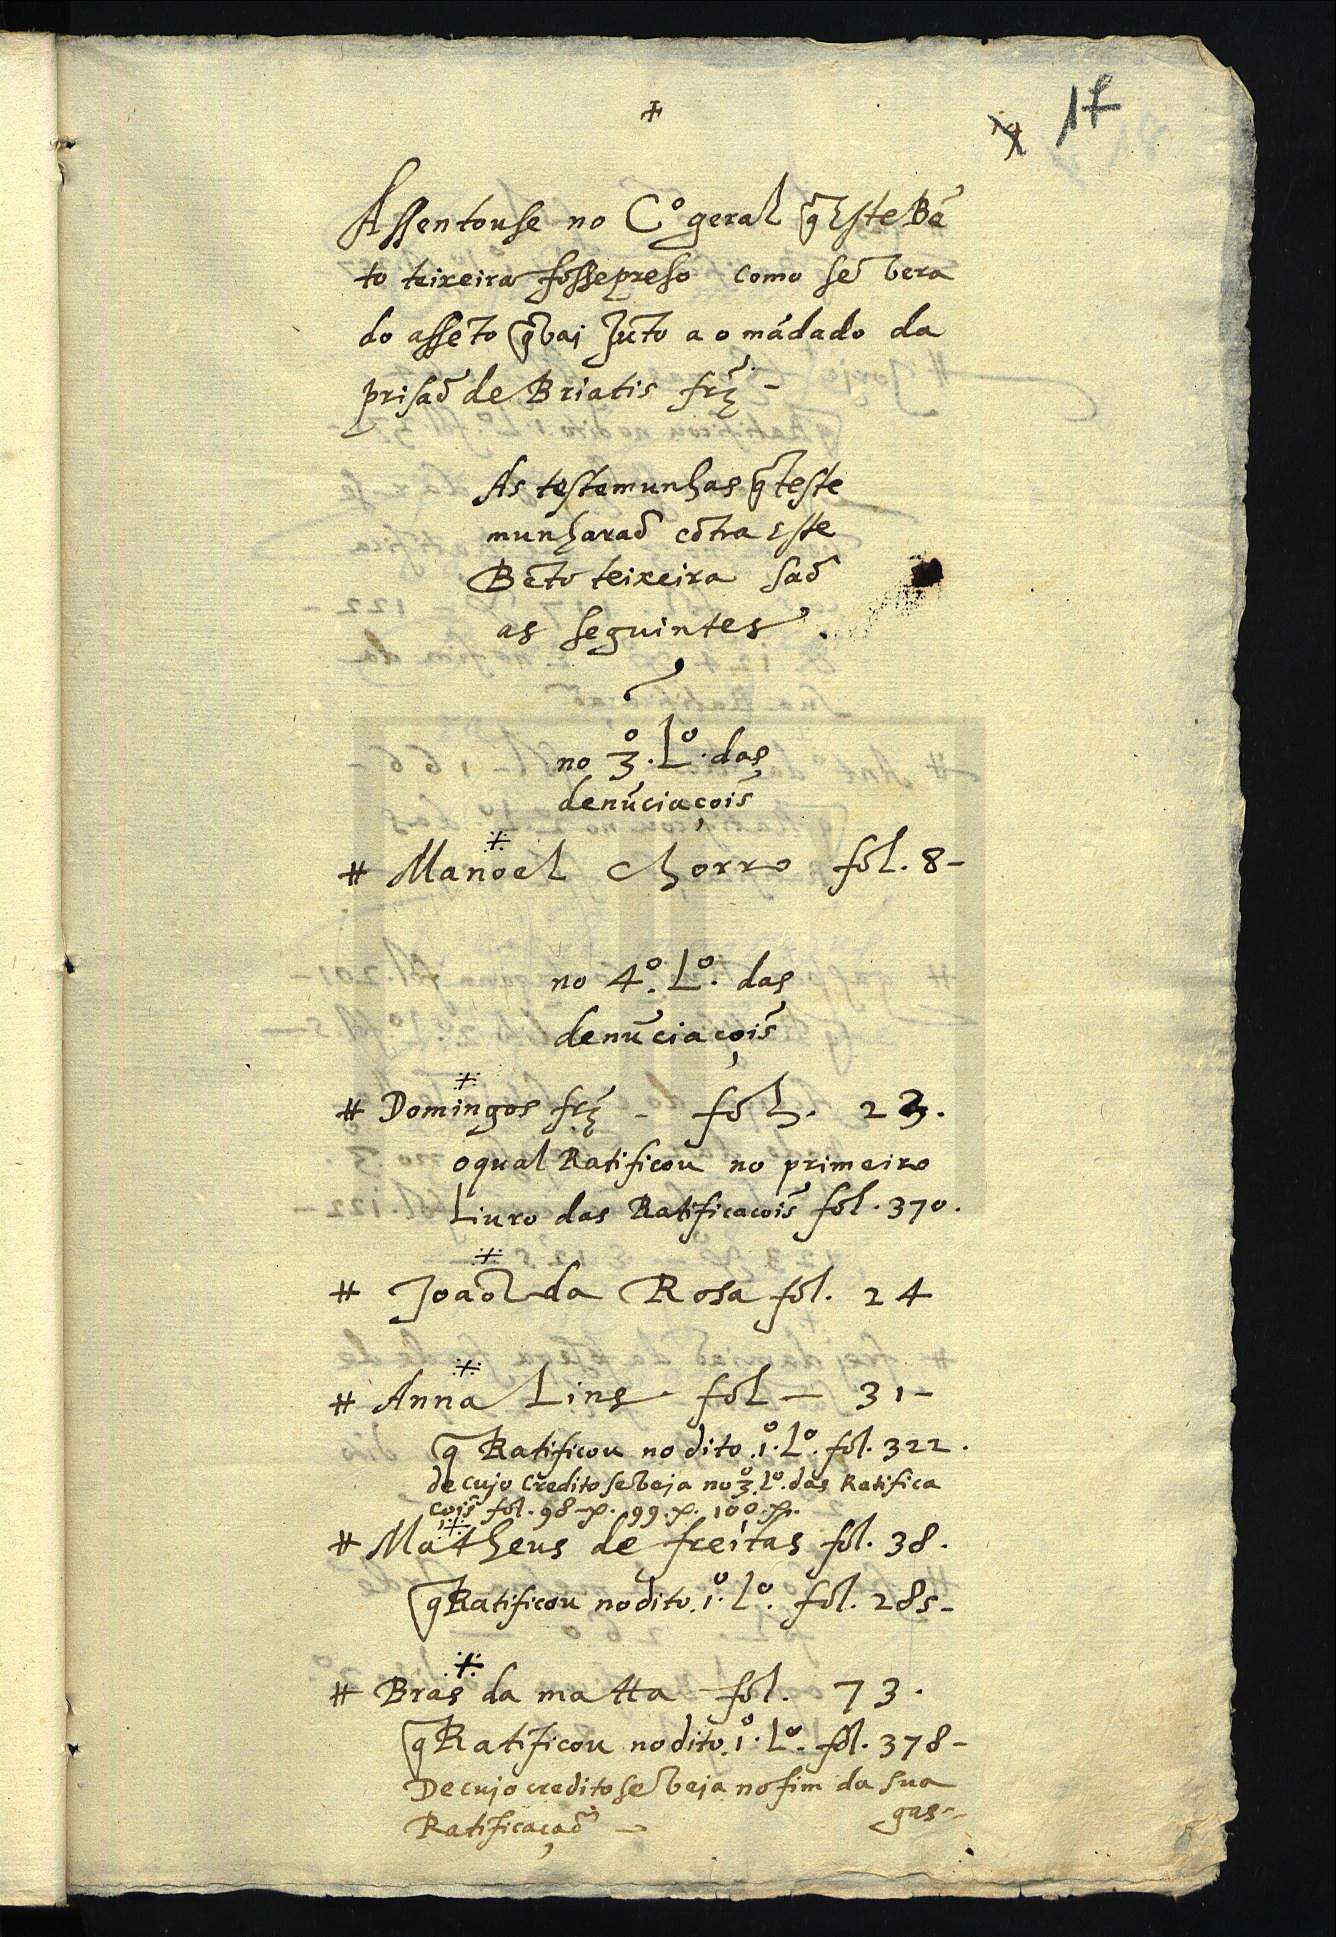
Assentouse no Co geral q̄ este Bē
to teixeira fosse preso como se vera
do assēto q̄ vai Jūto ao mādado da
prisaõ de Briatis frz̄
As testemunhas q̄ teste
munharaõ cōtra Este
Bēto teixeira saõ
as seguintes.
No 3o. Lo. das
denūciaçois̄
Manoel chorro fol. 8
No 4o. Lo. das
denūciaçois̄
Domingos frz̄ -
foL. 23.
o qual Ratificou no primeiro
Liuro das Ratificacois̄ fol. 370
Joaõ da Rosa fol. 24
Anna Lins . fol — 31 -
q̄ Ratificou no dito .1o. Lo. fol. 322
de cujo credito se veja no 3o. Lo. das Ratifica
çois̄ fol. 98 - ꝟ. 99. ꝟ. 100. ꝟ.
Matheus de freitas fol. 38.
q̄ Ratificou no dito. 1o. Lo. fol. 285 -
Bras da matta fol. 73.
q̄ Ratificou no dito .1o. Lo. fol. 378 -
De cujo credito se veja no fim da sua
Ratificaçaõ
